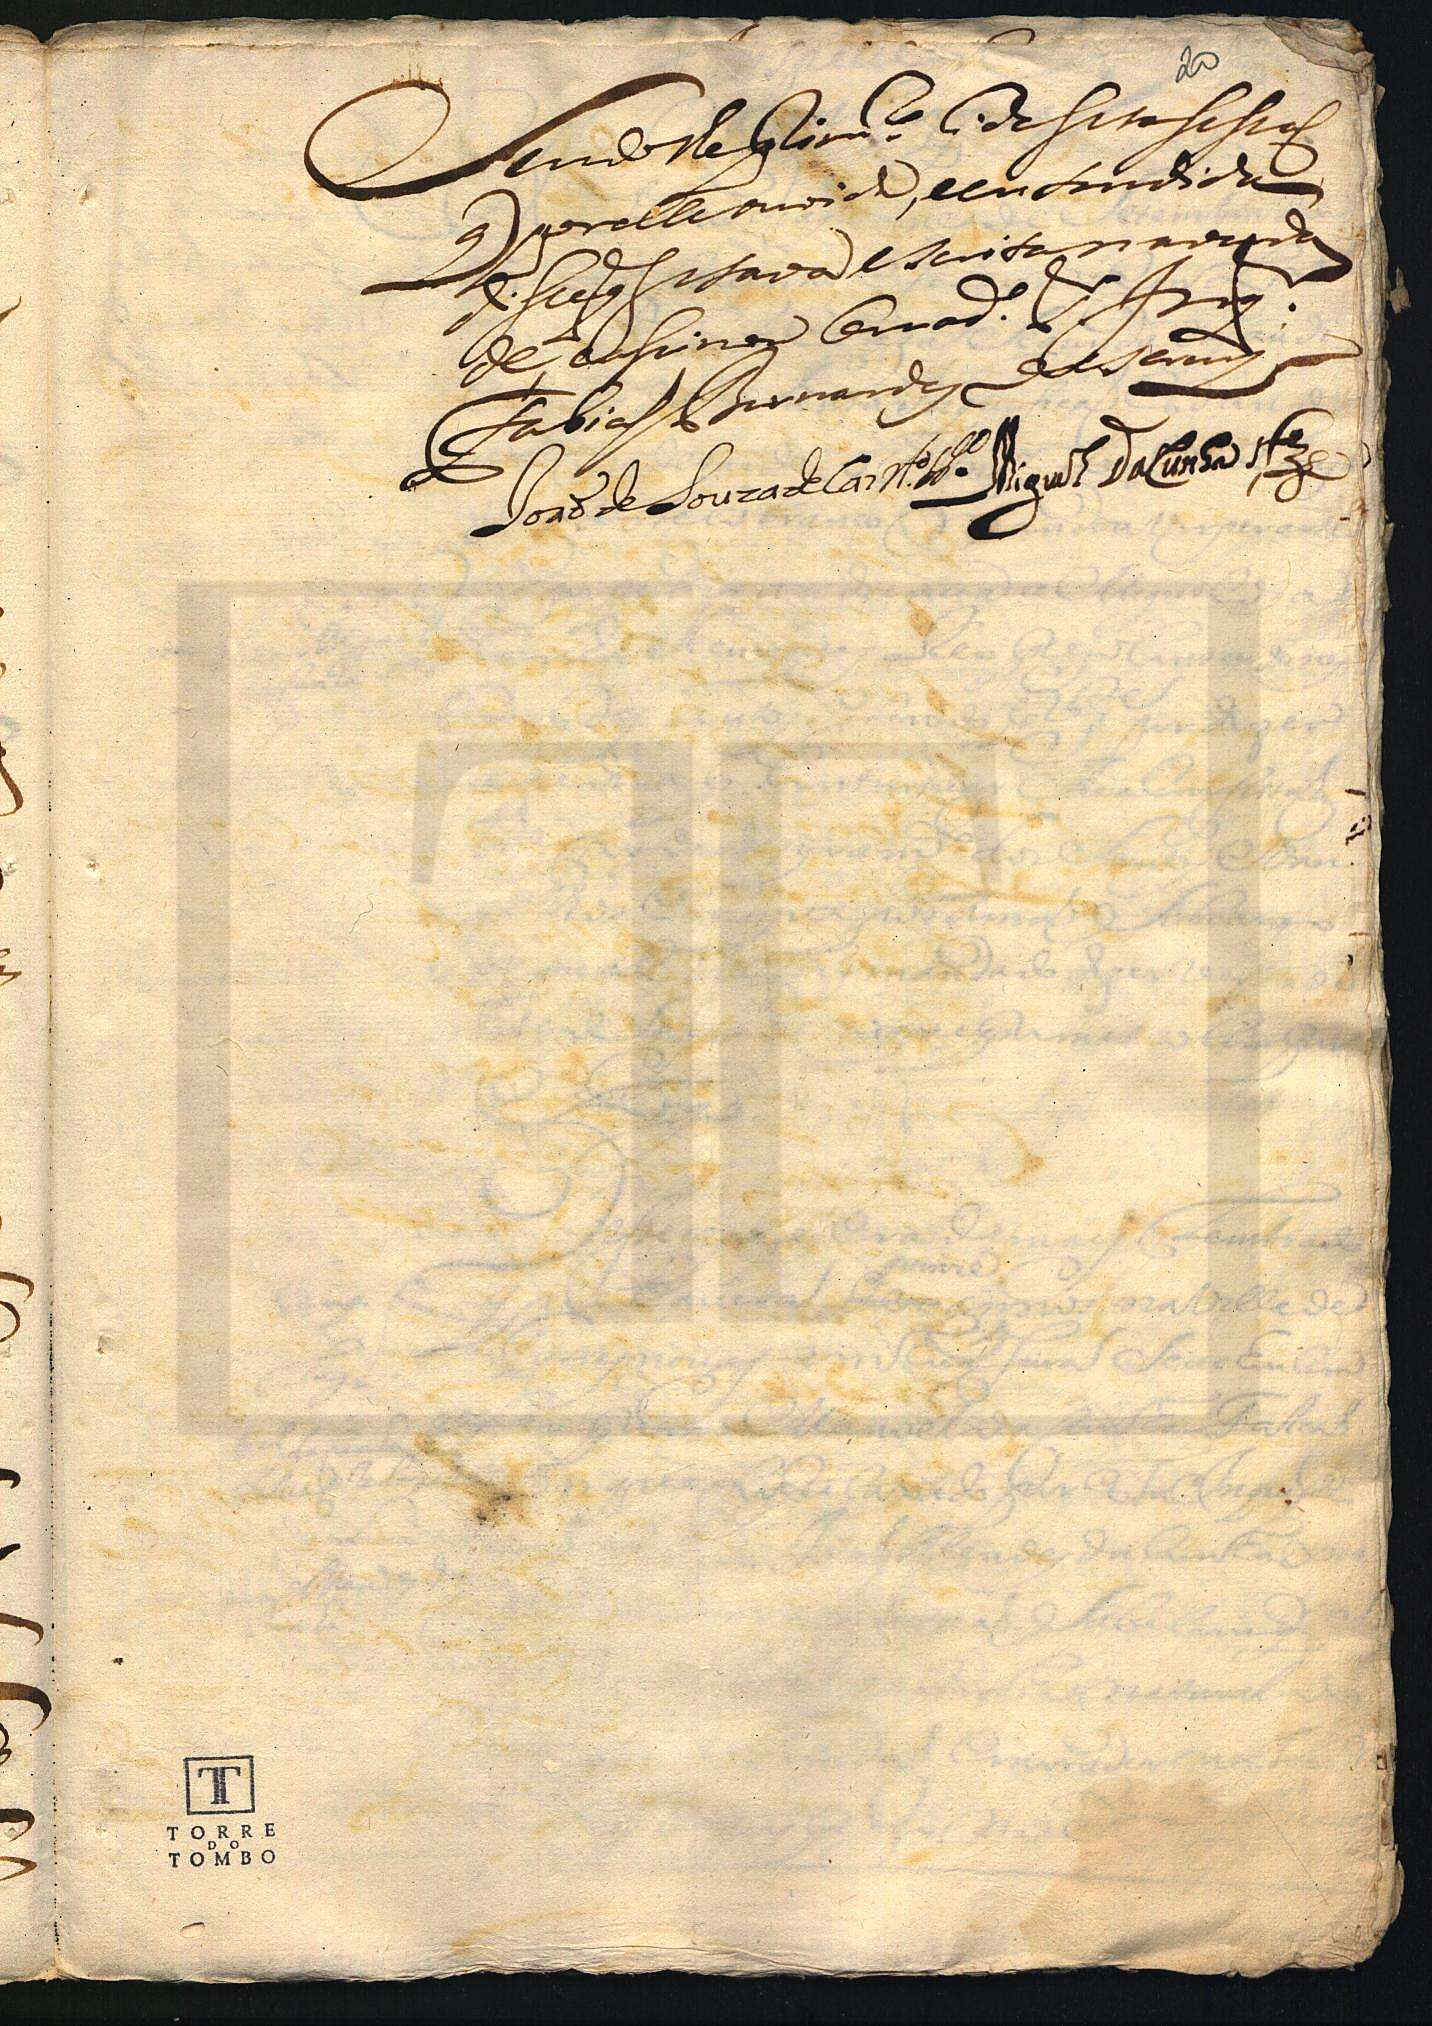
Sendolhe pRim.Ro lida sua sessaõ
q̄ por elle ouvida, e entendida
disse q̄ estava escrita na verda
de, assinou Com o d.o sor Jnq.or
Fabiaꝭ Bernardes o escreuj
Ioaõ de Souza de Cast.o br.co Miguel da Cunha
